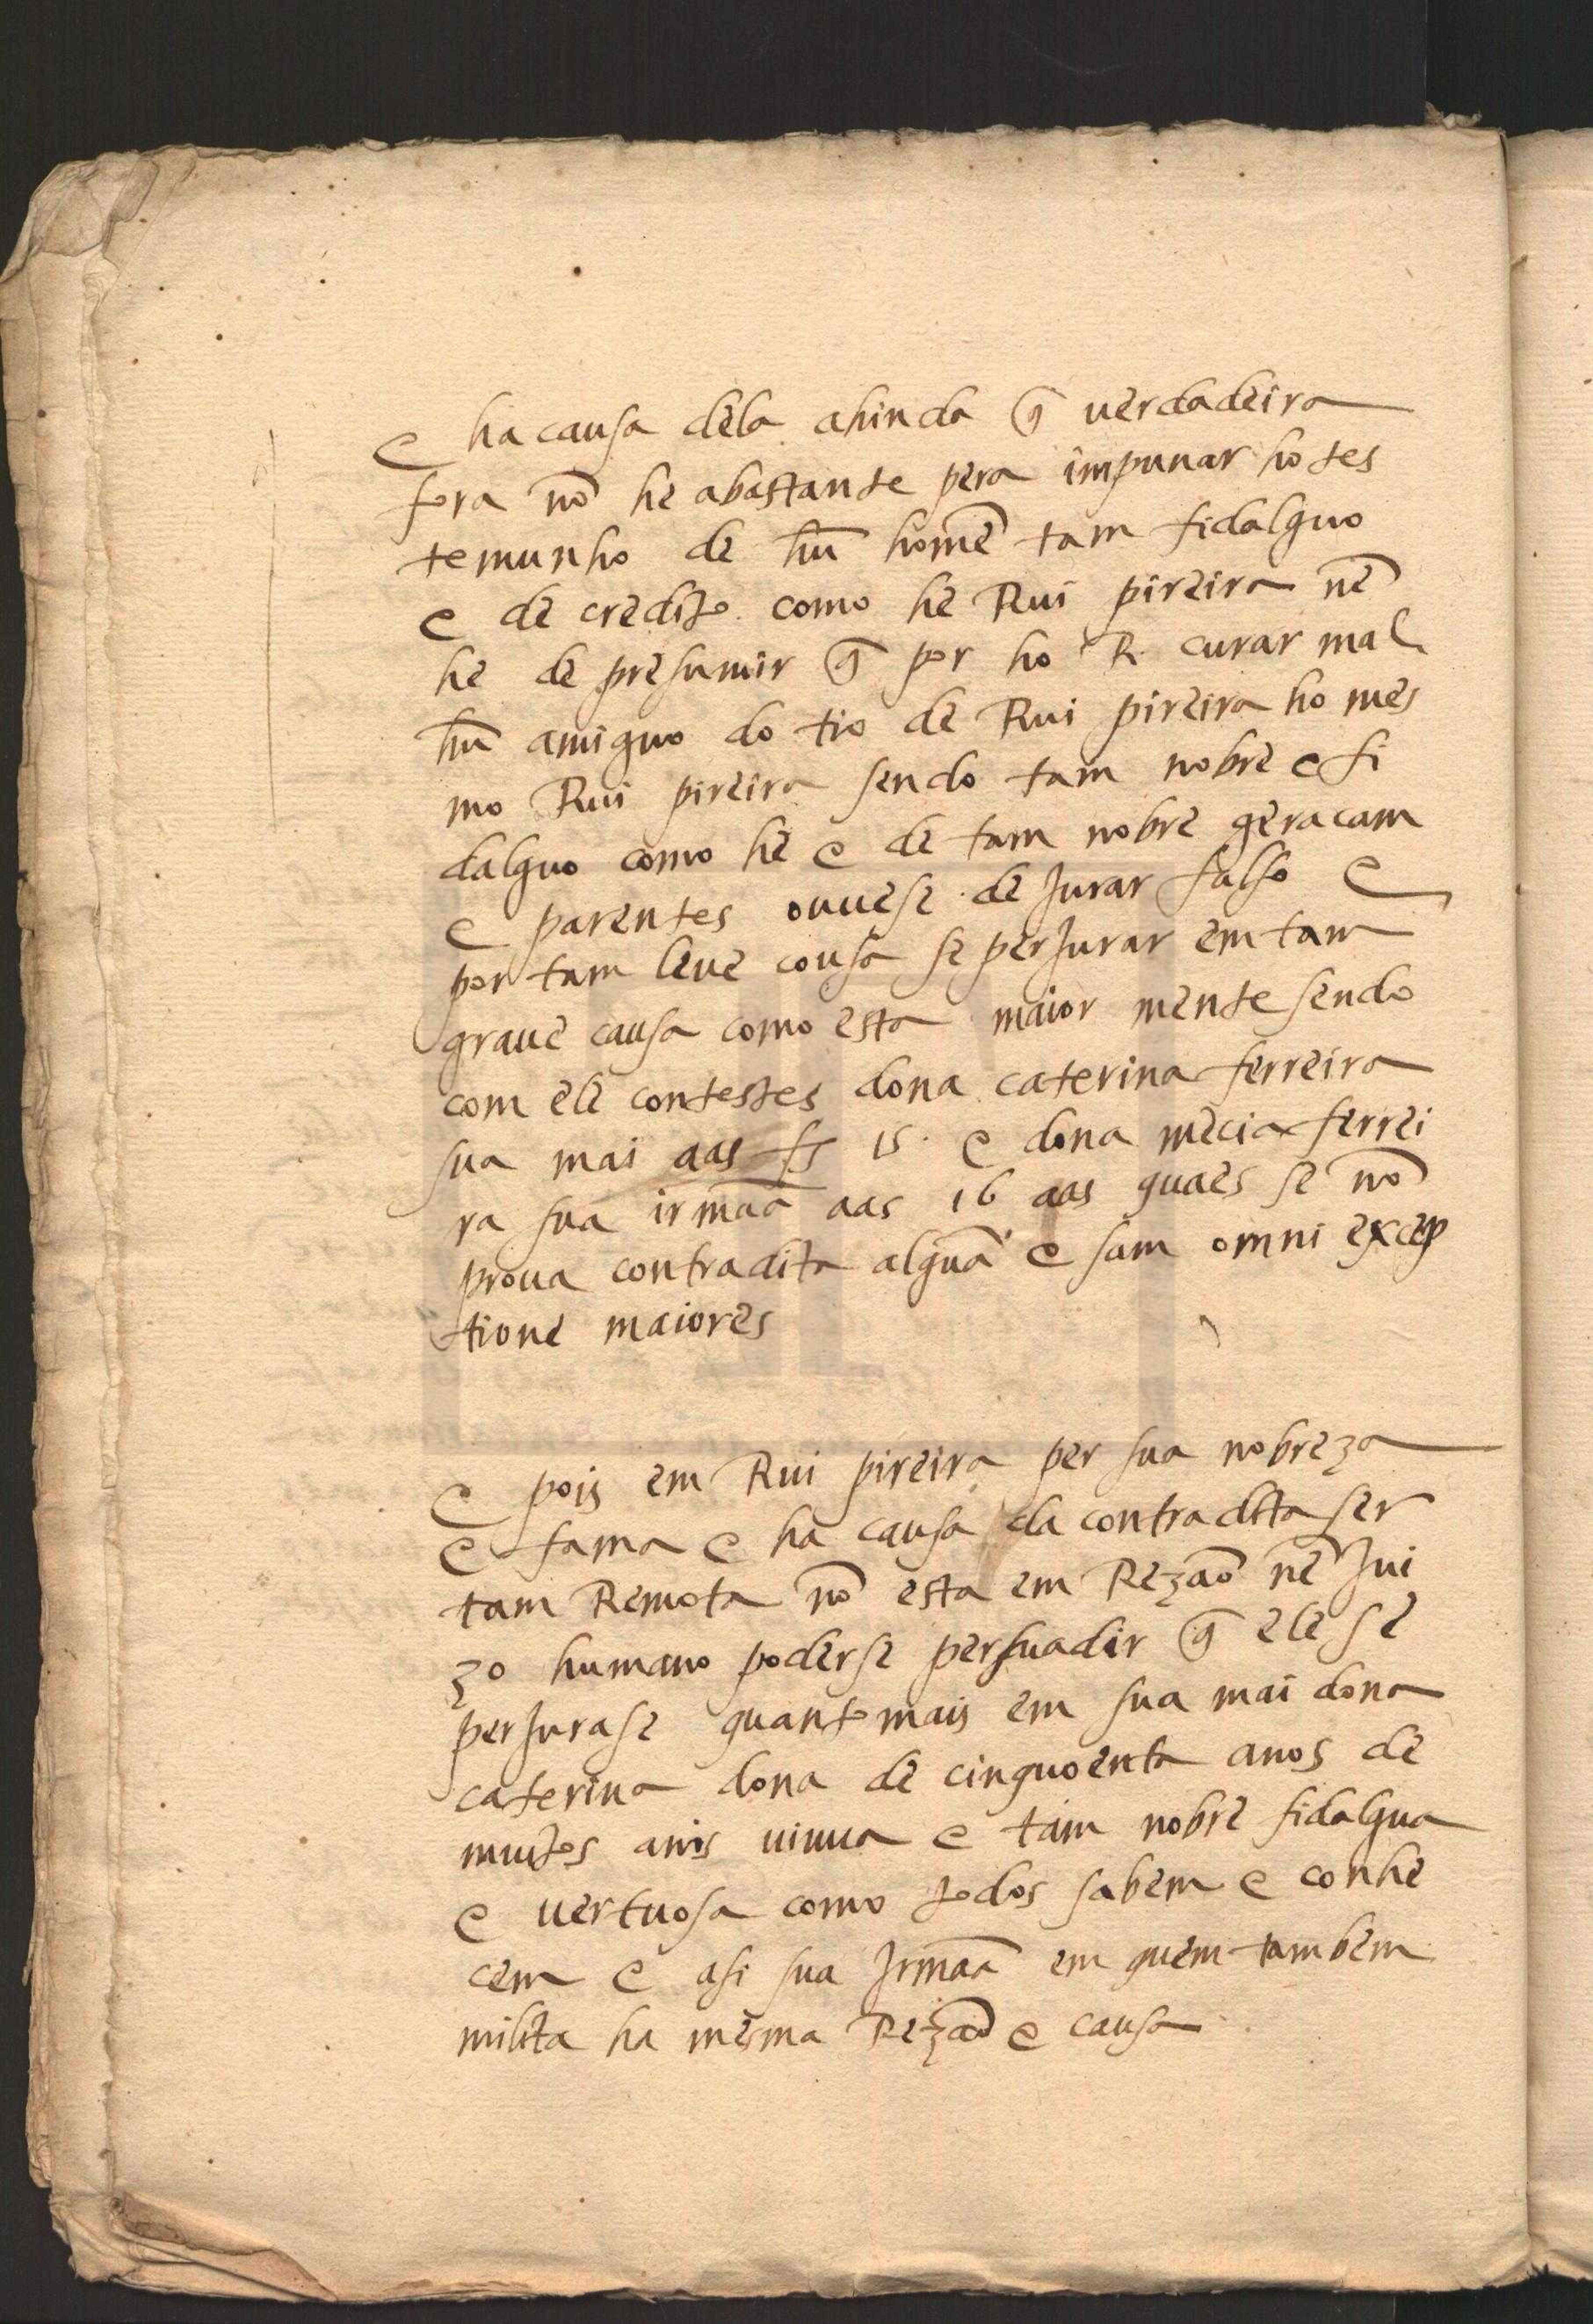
e ha causa dela ahinda q̄ uerdadeira
fora n̄o he abastante pera impunar ho tes
temunho de hū homē tam fidalguo
e de credito como he Rui pireira n̄e
he de presumir q̄ por ho R curar mal
hū amiguo do tio de Rui pireira ho mes
mo Rui pireira sendo tam nobre e fi
dalguo como he e de tam nobre geracam
e parentes ouuese de Jurar falso e
por tam leue cousa se perJurar em tam
graue causa como esta maior mente sendo
com ele contestes dona caterina ferreira
sua mai aas fꝭ 15. e dona mecia ferrei
ra sua irmãa aas 16 aas quaes se n̄o
proua contradita algūa e sam omnis excep
tione maiores
e pois em Rui pireira per sua nobreza
e fama e ha causa da contradita ser
tam Remota n̄o esta em Rezão nē Jui
zo humano poderse persuadir q̄ ele se
perJurase quanto mais em sua mai dona
caterina dona de cinquoenta anos de
muitos anos uiuua e tam nobre fidalgua
e uertuosa como todos sabem e conhe
cem e asi sua Jrmāa em quem tambem
milita ha mesma Rezão e causa
